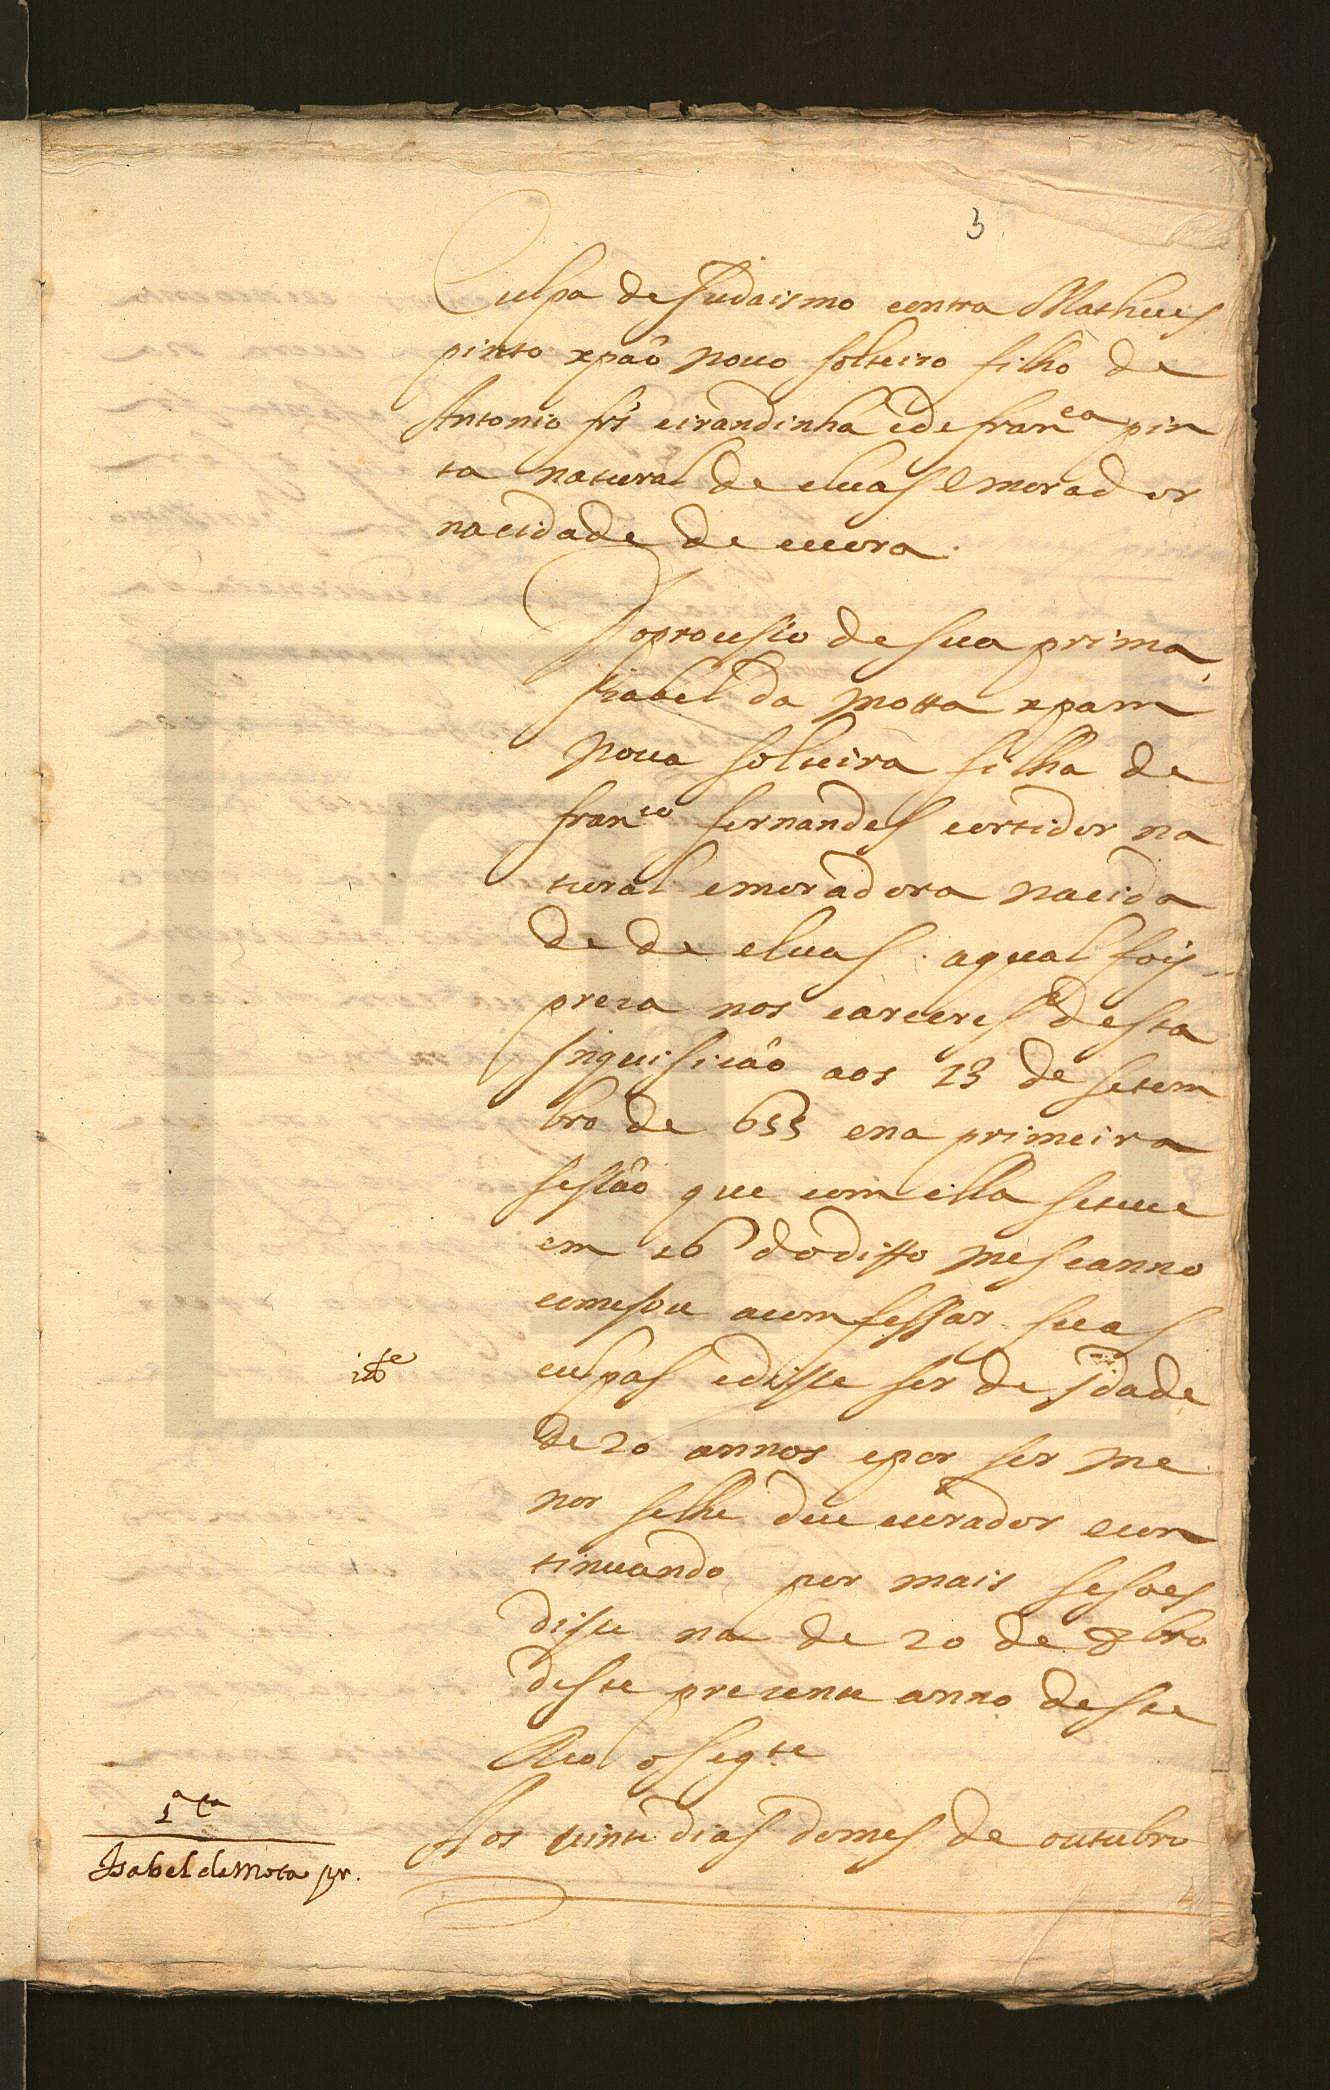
Culpa de Judaismo contra Matheus
pinto xpaõ nouo solteiro filho de
Antonio frs̄ cirandinha e de franca pin
ta natural de eluas e morador
na cidade de euora.
Do processo de sua prima,
jzabel da motta xpam
noua solteira filha de
franco fernandes cortidor na
tural e moradora na cida
de de eluas. a qual foy
preza nos carceres desta
Jnquisicaõ aos 13 de setem
bro de 655 e na primeira
sessaõ que com ella se teue
em 16 do ditto mes e anno
comesou a comfessar suas
culpas e disse ser de jdade
de 20 annos e por ser me
nor se lhe deu curador e con
tinuando por mais sesoes
disse na de 20 de 8bro
deste presente anno deste
Reo o seg.te
Aos vinte dias do mes de outubro
id̄e
1a ta
Isabel da mota pr.
